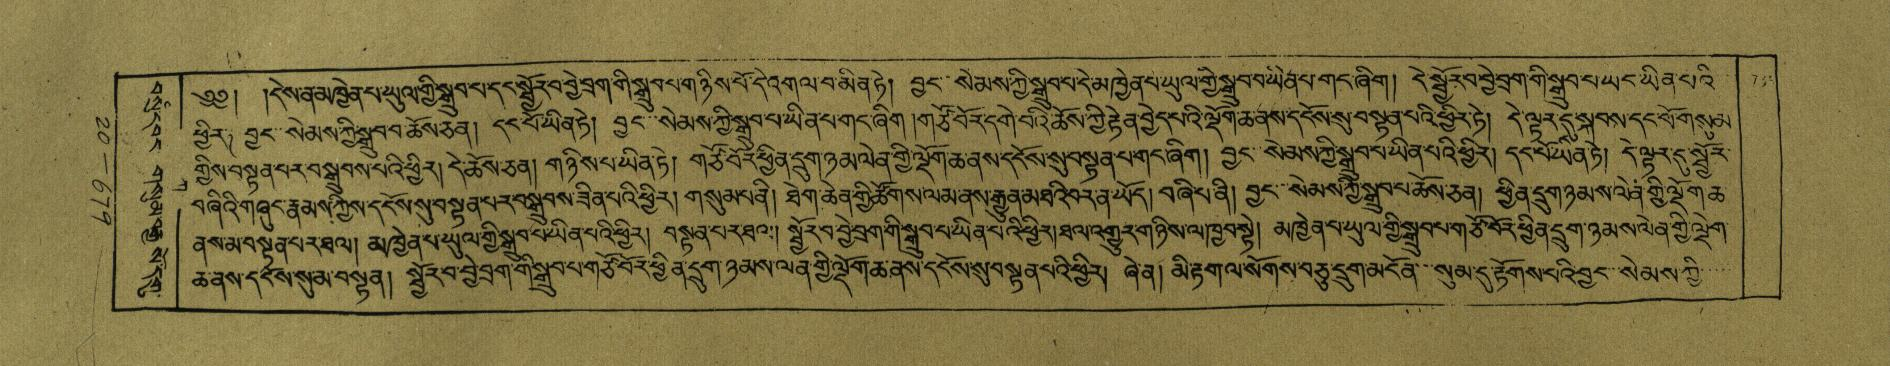༄༅། །དེས་ན་མཁྱེན་པ་ཡུལ་གྱི་སྒྲུབ་པ་དང་སྦྱོར་བ་བྱེ་བྲག་གི་སྒྲུབ་པ་གཉིས་པོ་དེ་འགལ་བ་མིན་ཏེ། བྱང་སེམས་ཀྱི་སྒྲུབ་པ་དེ་མཁྱེན་པ་ཡུལ་གྱི་སྒྲུབ་བ་ཡིན་པ་གང་ཞིག། དེ་སྦྱོར་བ་བྱེ་བྲག་གི་སྒྲུབ་པ་ཡང་ཡིན་པའི་
ཕྱིར༑ བྱང་སེམས་ཀྱི་སྒྲུབ་པ་ཆོས་ཅན། དང་པོ་ཡིན་ཏེ། བྱང་སེམས་ཀྱི་སྒྲུབ་པ་ཡིན་པ་གང་ཞིག། །གཙོ་བོར་དགེ་བའི་ཆོས་ཀྱི་རྟེན་བྱེད་པའི་ལྡོག་ཆ་ནས་དངོས་སུ་བསྟན་པའི་ཕྱིར་ཏེ། དེ་ལྟར་དུ་སྐབས་དང་པོ་གསུམ་
གྱིས་བསྟན་པར་བསྒྲུབས་པའི་ཕྱིར། དེ་ཆོས་ཅན། གཉིས་པ་ཡིན་ཏེ། གཙོ་བོར་ཕྱིན་དྲུག་ཉམ་ལེན་གྱི་ལྡོག་ཆ་ནས་དངོས་སུ་བསྟན་པ་གང་ཞིག། བྱང་སེམས་ཀྱི་སྒྲུབ་པ་ཡིན་པའི་ཕྱིར། དང་པོ་ཡིན་ཏེ། དེ་ལྟར་དུ་སྦྱོར་
བཞིའི་གཞུང་རྣམས་ཀྱིས་དངོས་སུ་བསྟན་པར་བསྒྲུབས་ཟིན་པའི་ཕྱིར། གསུམ་པ་ནི། ཐེག་ཆེན་གྱི་ཚོགས་ལམ་ནས་རྒྱུན་མཐའི་བར་ན་ཡོད། བཞི་པ་ནི། བྱང་སེམས་ཀྱི་སྒྲུབ་པ་ཆོས་ཅན། ཕྱིན་དྲུག་ཉམས་ལེན་གྱི་ལྡོག་ཆ་
ནས་མ་བསྟན་པར་ཐལ། མཁྱེན་པ་ཡུལ་གྱི་སྒྲུབ་པ་ཡིན་པའི་ཕྱིར། བསྟན་པར་ཐལ། སྦྱོར་བ་བྱེ་བྲག་གི་སྒྲུབ་པ་ཡིན་པའི་ཕྱིར། ཐལ་འགྱུར་གཉིས་ལ་ཁྱབ་སྟེ། མཁྱེན་པ་ཡུལ་གྱི་སྒྲུབ་པ་གཙོ་བོར་ཕྱིན་དྲུག་ཉམས་ལེན་གྱི་ལྡེག་
ཆ་ནས་དངོས་སུ་མ་བསྟན། སྦྱོར་བ་བྱེ་བྲག་གི་སྒྲུབ་པ་གཙོ་བོར་ཕྱིན་དྲུག་ཉམས་ལན་གྱི་ལྡོག་ཆ་ནས་དངོས་སུ་བསྟན་པའི་ཕྱིར། ཞེ་ན། མི་རྟག་ལ་སོགས་བཅུ་དྲུག་མངོན་སུམ་དུ་རྟོགས་པའི་བྱང་སེམས་ཀྱི་